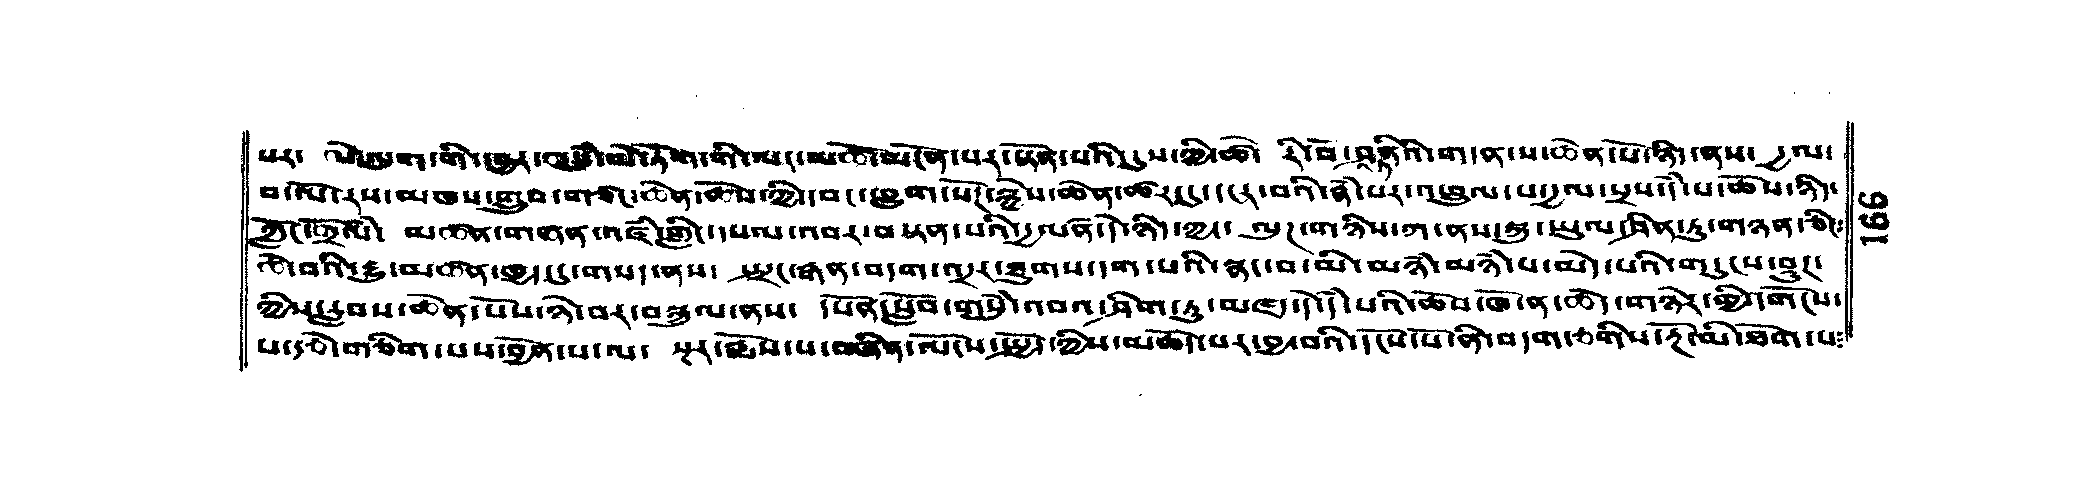པར། མེ་ལུག་གི་དབྱར་གསུམ་མེ་ཏོག་གི་ལང་འཚོ་མངོན་པར་སྟོན་པའི་དུས་ཀྱི་ཚེ། རི་བོ་ཤཱནྟིའི་གདན་ས་ཆེན་པོ་ཉིད་ནས། རྒྱལ་
བ་ལོ་རས། མཁས་གྲུབ་གཙང་ཆེན་ཆོས་ཀྱི་དབང་ཕྱུག་སོགས་སྐྱེས་ཆེན་ཚར་དུ་དངར་པའི་རྣམ་པར་འཕྲུལ་པ་རྒྱལ་སྲས་དམ་པ་ཆོས་ཉིད་
ཀློང་གྲོལ་ལམ། མཚན་གཞན་འཛམ་གླིང་དཔལ་འབར་བསྟན་པའི་རྒྱལ་མཚན་དེ་ཉིད་ཀྱང་། ལུགས་གཉིས་ཀ་ནས་སྐུ་ཡུལ་ཤིན་ཏུ་གཉན་ཅིང་
ཆེ་བའི་རྒྱུ་མཚན་ཁྱད་དུ་གསད་ནས། སྤྲང་རྒན་བདག་འདྲར་ཐུགས་དག་པའི་སྣང་བ་མི་མཉམ་མཉམ་པ་མེད་པའི་གདུང་ཤུགས་
ཀྱིས་རླབས་ཆེན་པོས་ཉེ་བར་བསྐུལ་ནས། དཔོན་སློབ་གསུམ་འབའ་ཤིག་ཏུ་མཛད་དེ་དམ་པའི་ཆོས་ཁོ་ན་ཆེད་གཉེར་གྱི་དགོངས་
པ་རྩེ་གཅིག་པས་བྱོན་པ་ལ། སྔར་སྨོས་པ་བཞིན་ལོངས་སྤྱོད་ཀྱིས་མཆོད་པར་བྱ་བའི་དངོས་པོ་ནི་བདག་ཅག་གིས་རྔོ་མི་ཐོག་པ་